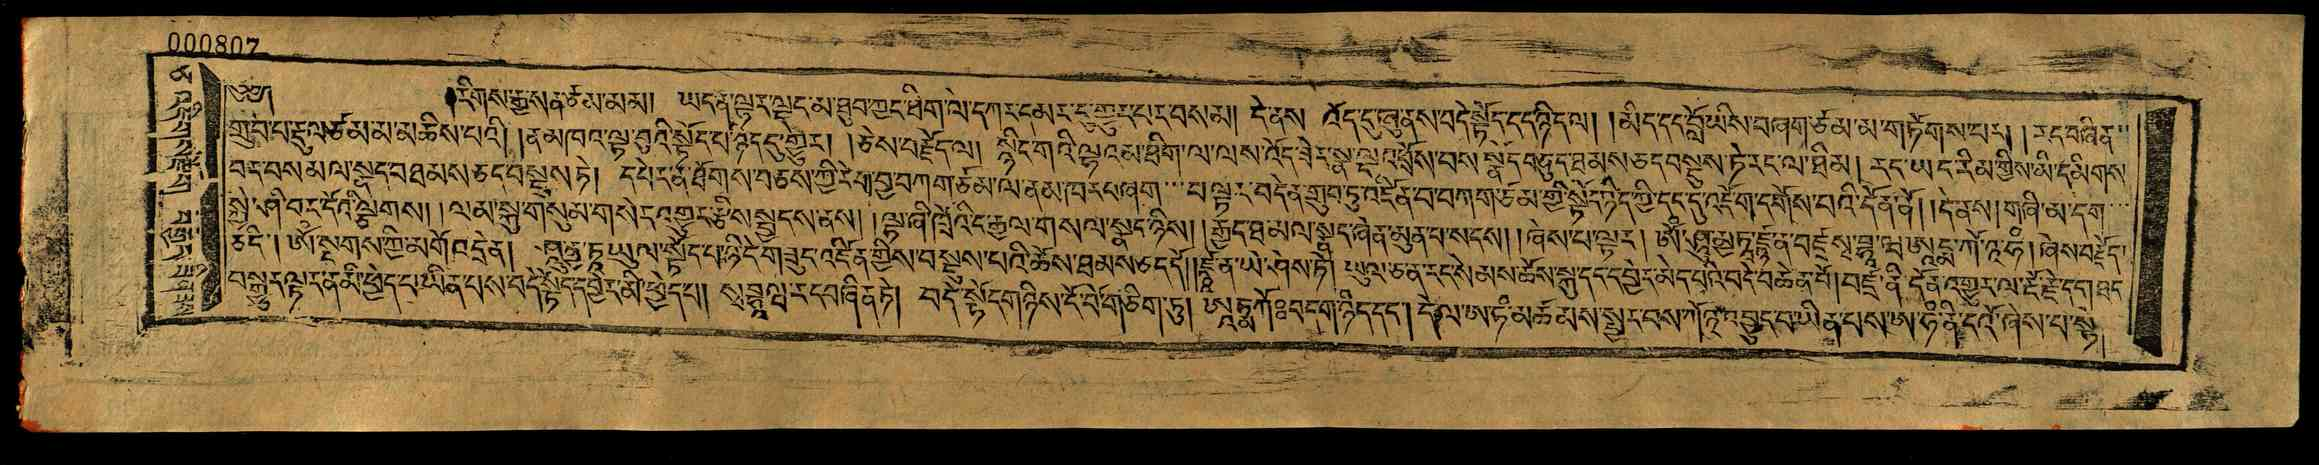༄༅། །རིགས་རྒྱ་སྲན་ཙམ་མམ། ཡང་ན་ལྷར་ལྡང་མ་ཐུབ་ཀྱང་ཐིག་ལེ་དཀར་དམར་དུ་གྱུར་བར་བསམ། དེ་ནས། འོད་དུ་ཞུ་ནས་བདེ་སྟོང་རང་ཉིད་ལ། །མིང་དང་བློ་ཡིས་བཞག་ཙམ་མ་གཏོགས་པར། །རང་བཞིན་
གྲུབ་པ་རྡུལ་ཙམ་མ་མཆིས་པའི། །ནམ་མཁའ་ལྟ་བུའི་སྟོང་པ་ཉིད་དུ་གྱུར། །ཅེས་བརྗོད་ལ། སྙིང་གའི་ལྷའམ་ཐིག་ལེ་ལས་འོད་ཟེར་སྣ་ལྔ་འཕྲོས་པས་སྣོད་བཅུད་ཐམས་ཅད་བསྡུས་ཏེ་རང་ལ་ཐིམ། རང་ཡང་རིམ་གྱིས་མི་དམིགས་
པར་བསམ་པ་སྣང་བ་ཐམས་ཅད་བསྡུས་ཏེ། དཔེར་ན་ཐོགས་བཅས་ཀྱི་རེག་བྱ་བཀག་ཙམ་ལ་ནམ་མཁར་བཞག་པ་ལྟར་བདེན་གྲུབ་ཏུ་འཛིན་པ་བཀག་ཙམ་གྱི་སྟོང་ཉིད་ཀྱི་ངང་དུ་འཇོག་དགོས་པའི་དོན་ནོ། །དེ་ནས། གཞི་མ་དག་
སྐྱེ་ཤི་བར་དོའི་ལྕགས། །ལམ་སྐུ་གསུམ་གསེར་འགྱུར་རྩིས་སྦྱངས་ནས། །ལྷ་ཞི་ཁྲོའི་ང་རྒྱལ་གསལ་སྣང་ཉིས། །རྒྱུད་ཐ་མལ་སྣང་ཞེན་མུན་པ་སངས། །ཞེས་པ་ལྟར། ཨོཾ་ཤཱུ་ཉ་ཏཱ་ཛྙ་ན་བཛྲ་སྭབྷཱ་ཝ་ཨཱདམ་ཀོཉ་ཧཾ། ཞེས་བརྗོད་
ཅིང་། ཨོཾ་སྔགས་ཀྱི་མགོ་འདྲེན། ཤཱུ་ཉ་ཏཱ་ཡུལ་སྟོང་པ་ཉིད་གཟུང་འཛིན་གྱིས་བསྡུས་པའི་ཆོས་ཐམས་ཅད་དོ། །ཛྙཱ་ན་ཡེ་ཤེས་ཏེ། ཡུལ་ཅན་རང་སེམས་ཆོས་སྐུ་དང་དབྱེར་མེད་པའི་བདེ་བ་ཆེན་པོ། བཛྲ་ནི་དོན་འགྱུར་ལ་རྡོ་རྗེ་དང་། ཐད་
བསྒྱུར་ལྟར་ན་མི་ཕྱེད་པ་ཡིན་པས་བདེ་སྟོང་དབྱེར་མི་ཕྱེད་པ། སྭ་བྷཱ་ཝ་རང་བཞིན་ཏེ། བདེ་སྟོང་གཉིས་ངོ་བོ་གཅིག་ཏུ། ཨཱ་ཏྨ་ཀཿ བདག་ཉིད་དང་། དེ་ལ་ཨ་ཧཾ་མཚམས་སྦྱར་བས་ཀོ་ཉ་འབྱུང་བ་ཡིན་པས་ཨ་ཧཾ་ནི་ངའོ་ཞེས་པ་སྟེ།